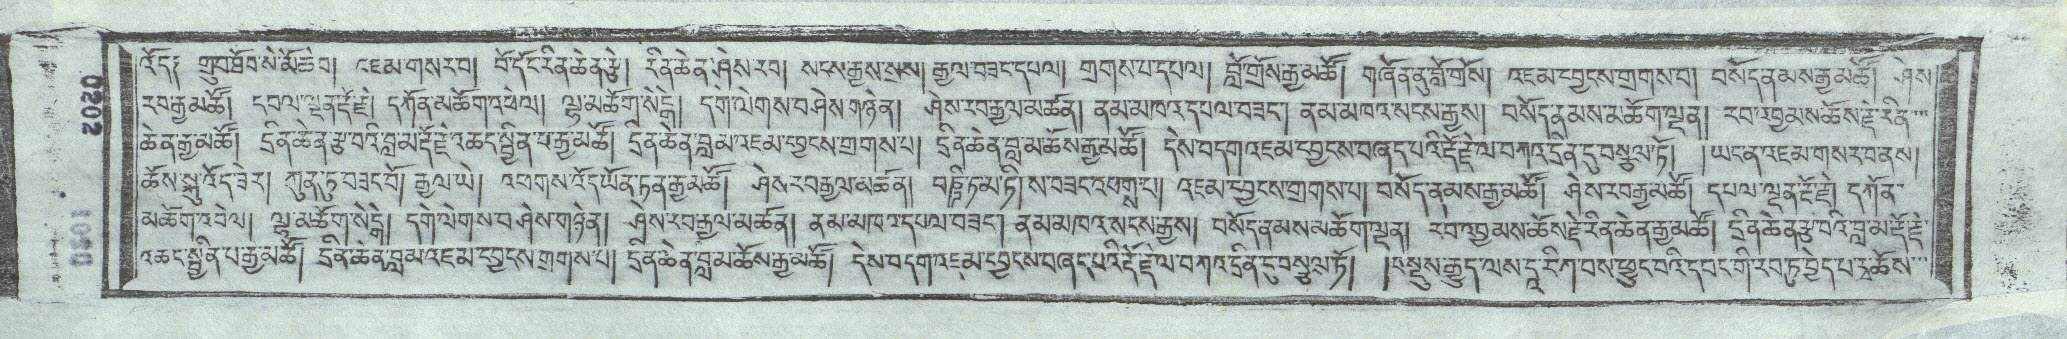འོད༑ གྲུབ་ཐོབ་སེ་མོ་ཆེ་བ། འཇམ་གསར་བ། བོ་དོང་རིན་ཆེན་རྩེ། རིན་ཆེན་ཤེས་རབ། སངས་རྒྱས་སྲས། རྒྱལ་བཟང་དཔལ། གྲགས་པ་དཔལ། བློ་གྲོས་རྒྱ་མཚོ། གཞོན་ནུ་བློ་གྲོས། འཇམ་དབྱངས་གྲགས་པ། བསོད་ནམས་རྒྱ་མཚོ། ཤེས་
རབ་རྒྱ་མཚོ། དཔལ་ལྡན་རྡོ་རྗེ། དགོན་མཆོག་འཕེལ། ལྷ་མཆོག་སེངྒེ། དགེ་ལེགས་བཤེས་གཉེན། ཤེས་རབ་རྒྱལ་མཚན། ནམ་མཁའ་དཔལ་བཟང་། ནམ་མཁའ་སངས་རྒྱས། བསོད་ནམས་མཆོག་ལྡན། རབ་འབྱམས་ཆོས་རྗེ་རིན་
ཆེན་རྒྱ་མཚོ། དྲིན་ཆེན་རྩ་བའི་བླ་མ་རྡོ་རྗེ་འཆད་སྦྱིན་པ་རྒྱ་མཚོ། དྲིན་ཆེན་བླ་མ་འཇམ་དབྱངས་གྲགས་པ། དྲིན་ཆེན་བླ་མ་ཆོས་རྒྱ་མཚོ། དེས་བདག་འཇམ་དབྱངས་བཞད་པའི་རྡོ་རྗེ་ལ་བཀའ་དྲིན་དུ་བསྩལ་ཏོ། །ཡང་ན་འཇམ་གསར་བ་ནས།
ཆོས་སྐུ་འོད་ཟེར། ཀུན་ཏུ་བཟང་པོ། རྒྱལ་ཡེ། འཕགས་འོད་ཡོན་ཏན་རྒྱ་མཚོ། ཤེས་རབ་རྒྱལ་མཚན། བཎྜི་ཏ་མ་ཏི། ས་བཟང་འཕགས་པ། འཇམ་དབྱངས་གྲགས་པ། བསོད་ནམས་རྒྱ་མཚོ། ཤེས་རབ་རྒྱ་མཚོ། དཔལ་ལྡན་རྡོ་རྗེ། དཀོན་
མཆོག་འབེལ། ལྷ་མཆོག་སེངྒེ། དགེ་ལེགས་བཤེས་གཉེན། ཤེས་རབ་རྒྱལ་མཚན། ནམ་མཁའ་དཔལ་བཟང་། ནམ་མཁའ་སངས་རྒྱས། བསོད་ནམས་མཆོག་ལྡན། རབ་འབྱམས་ཆོས་རྗེ་རིན་ཆེན་རྒྱ་མཚོ། དྲིན་ཆེན་རྩ་བའི་བླ་མ་རྡོ་རྗེ་
འཆང་སྦྱིན་པ་རྒྱ་མཚོ། དྲིན་ཆེན་བླ་མ་འཇམ་དབྱངས་གྲགས་པ། དྲིན་ཆེན་བླ་མ་ཆོས་རྒྱ་མཚོ། དེས་བདག་འཇམ་དབྱངས་བཞད་པའི་རྡོ་རྗེ་ལ་བཀའ་དྲིན་དུ་བསྩལ་ཏོ། །བསྡུས་རྒྱུད་ལས་དཱ་རིག་བས་ཕྱུང་བའི་དབང་གི་རབ་ཏུ་བྱེད་པ་རྭ་ཆོས་